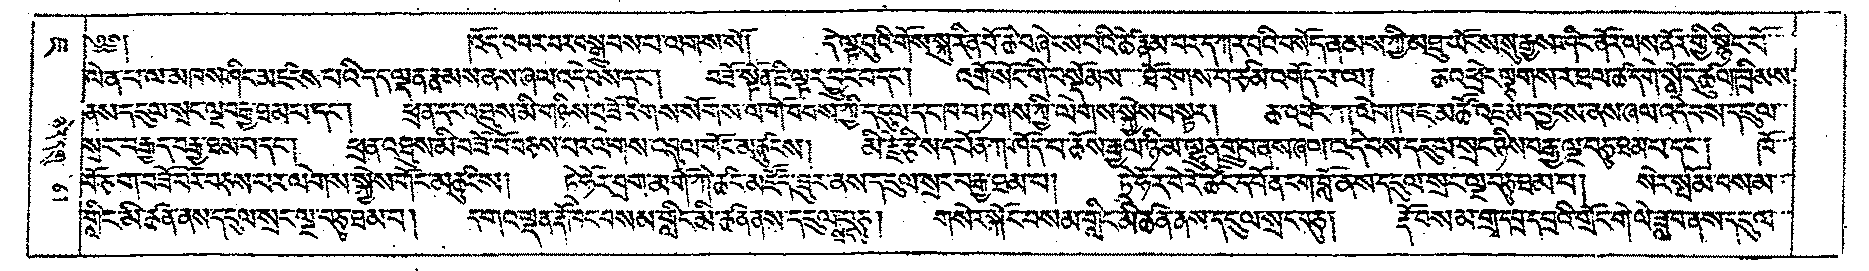༄༅། །འོད་འབར་བར་བསྒྲུབས་པ་ལགས་སོ། །དེ་ལྟ་བུའི་གོས་སྐུ་རིན་པོ་ཆེ་བཞེངས་པའི་ཚེ་རྣམ་པར་དཀར་བའི་བསོད་ནམས་ཀྱི་མཐུ་ཡོངས་སུ་རྒྱས་ཤིང་ནོར་ལས་ནོར་གྱི་སྙིང་པོ་
ལེན་པ་ལ་མཁས་ཤིང་མཛངས་པའི་དད་ལྡན་རྣམས་ནས་ཞལ་འདེབས་དང་། བཟོ་སྟོན་ཇི་ལྟར་བྱུང་བ་དང་། འགྲོ་སོང་གི་བསྡོམས་ཐོ་རགས་པ་ཙམ་འགོད་པ་ལ། ཆ་འཕྲེང་ལྕགས་ར་ཐལ་ཚ་དགེ་སློང་ཚུལ་ཁྲིམས་
ནས་དངུལ་སྲང་ལྔ་བརྒྱ་ཐམ་པ་དང་། ཕྲན་དང་འཐུས་མི་གཉིས་བཟོ་རིགས་སོགས་ལ་གོ་བབས་ཀྱི་དངུལ་དང་ཁ་བཏགས་ཀྱི་ལེགས་སྐྱེས་བསྟར། ཆ་འཕྲེང་ཀ་ལེག་ཁ་ཇ་མཚོ་འཇམ་དབྱངས་ནས་ཞལ་འདེབས་དངུལ་
སྲང་བརྒྱད་ཐམ་པ་དང་། ཕྲན་འཐུས་མི་བཟོ་བོ་བཅས་པར་ལེགས་འབུལ་གོང་མཚུངས། མི་རྗེ་རྩིས་དཔོན་ཀ་ཤོད་པ་ཆོས་རྒྱལ་ཉི་མ་ལྷུན་གྲུབ་ནས་ཞལ་འདེབས་དངུལ་སྲང་ཉིས་བརྒྱ་ལྔ་བཅུ་ཐམས་པ་དང་། ཁོ་
བོ་ཅག་བཟོ་བོར་བཅས་པར་ལེགས་སྐྱེས་གོང་མཚུངས། ཏྲེ་ཧོར་བྲག་མགོ་ཀེ་ཚང་མཛོད་ཟུར་ནས་དངུལ་སྲང་བརྒྱ་ཐམ་པ། ཏྲེ་ཧོར་བེ་རེ་ཚོང་དཔོན་ངག་བློ་ནས་དངུལ་སྲང་ལྔ་བཅུ་ཐམ་པ། སེར་སྤོམ་བསམ་
གླིང་མི་ཚན་ནས་དངུལ་སྲང་ལྔ་བཅུ་ཐམ་པ། དགའ་ལྡན་རྡོ་ཁང་བསམ་གླིང་མི་ཚན་ནས་དངུལ་སྲང་བཅུ། གསེར་སྐོང་བསམ་གླིང་མི་ཚན་ནས་དངུལ་སྲང་བཅུ། རྡོ་བསམ་གྲྭ་དབྲ་དབྲའི་གྲོང་གེ་ལེ་ཟླ་བ་ནས་དངུལ་